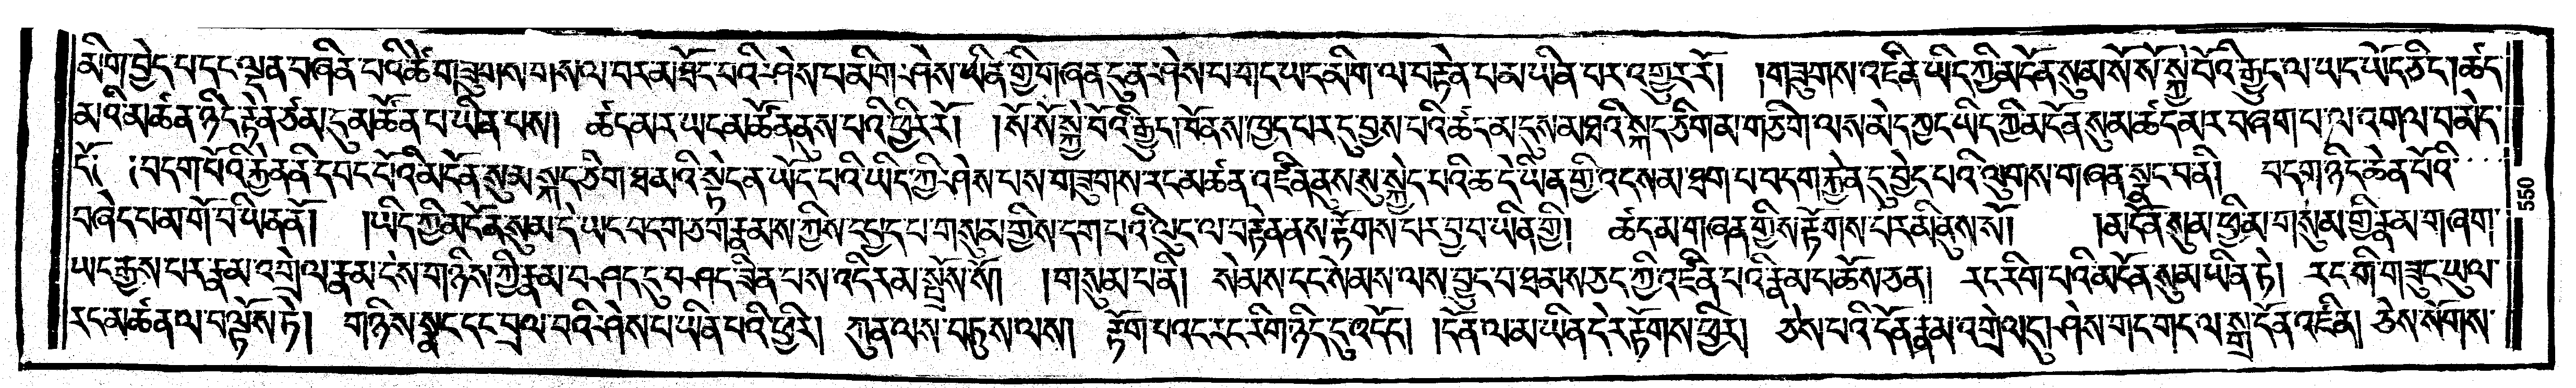མིག་བྱེད་པ་དང་ལྡན་བཞིན་པའི་ཚེ་གཟུགས་གསལ་བར་མཐོང་བའི་ཤེས་པ་མིག་ཤེས་ཡིན་གྱི་གཞན་དུ་ན་ཤེས་པ་གང་ཡང་མིག་ལ་བརྟེན་པ་མ་ཡིན་པར་འགྱུར་རོ། །གཟུགས་འཛིན་ཡིད་ཀྱི་མངོན་སུམ་སོ་སོ་སྐྱེ་བོའི་རྒྱུད་ལ་ཡང་ཡོད་ཅིང་། ཚད་
མའི་མཚན་ཉིད་རྟེན་ཙམ་དུ་མཚོན་པ་ཡིན་པས། ཚད་མར་ཡང་མཚོན་ནུས་པའི་ཕྱིར་རོ། །སོ་སོ་སྐྱེ་བོའི་རྒྱུད་ཁོ་ནས་ཁྱད་པར་དུ་བྱས་པའི་ཚད་མ་དུས་མཐའི་སྐད་ཅིག་མ་གཅིག་ལས་མེད་ཀྱང་ཡིད་ཀྱི་མངོན་སུམ་ཚད་མར་བཞག་པ་ལ་འགལ་བ་མེད་
དོ༑ ༑བདག་པོའི་རྐྱེན་ནི་དབང་པོའི་མངོན་སུམ་སྐད་ཅིག་ཐ་མའི་སྟེང་ན་ཡོད་པའི་ཡིད་ཀྱི་ཤེས་པས་གཟུགས་རང་མཚན་འཛིན་ནུས་སུ་སྐྱེད་པའི་ཆ་དེ་ཡིན་གྱི་འདས་མ་ཐག་པ་བདག་རྐྱེན་དུ་བྱེད་པའི་ལུགས་གཞན་སྣང་བ་ནི། བདག་ཉིད་ཆེན་པོའི་
བཞེད་པ་མ་གོ་བ་ཡིན་ནོ། །ཡིད་ཀྱི་མངོན་སུམ་དེ་ཡང་བདག་ཅག་རྣམས་ཀྱིས་དཔྱད་པ་གསུམ་གྱིས་དག་པའི་ལུང་ལ་བརྟེན་ནས་རྟོགས་པར་བྱ་བ་ཡིན་གྱི། ཚད་མ་གཞན་གྱིས་རྟོགས་པར་མི་ནུས་སོ། །མངོན་སུམ་ཕྱི་མ་གསུམ་གྱི་རྣམ་གཞག་
ཡང་རྒྱས་པར་རྣམ་འགྲེལ་རྣམ་ངེས་གཉིས་ཀྱི་རྣམ་བཤད་དུ་བཤད་ཟིན་པས་འདིར་མ་སྦྲོས་སོ། །གསུམ་པ་ནི། སེམས་དང་སེམས་ལས་བྱུང་བ་ཐམས་ཅད་ཀྱི་འཛིན་པའི་རྣམ་པ་ཆོས་ཅན། རང་རིག་པའི་མངོན་སུམ་ཡིན་ཏེ། རང་གི་གཟུང་ཡུལ་
རང་མཚན་ལ་བལྟོས་ཏེ། གཉིས་སྣང་དང་བྲལ་བའི་ཤེས་པ་ཡིན་པའི་ཕྱིར། ཀུན་ལས་བཏུས་ལས། རྟོག་པའང་རང་རིག་ཉིད་དུ་འདོད། །དོན་ལ་མ་ཡིན་དེར་རྟོགས་ཕྱིར། ཅེས་པའི་དོན་རྣམ་འགྲེལ་དུ། ཤེས་གང་གང་ལ་སྒྲ་དོན་འཛིན། ཅེས་སོགས་